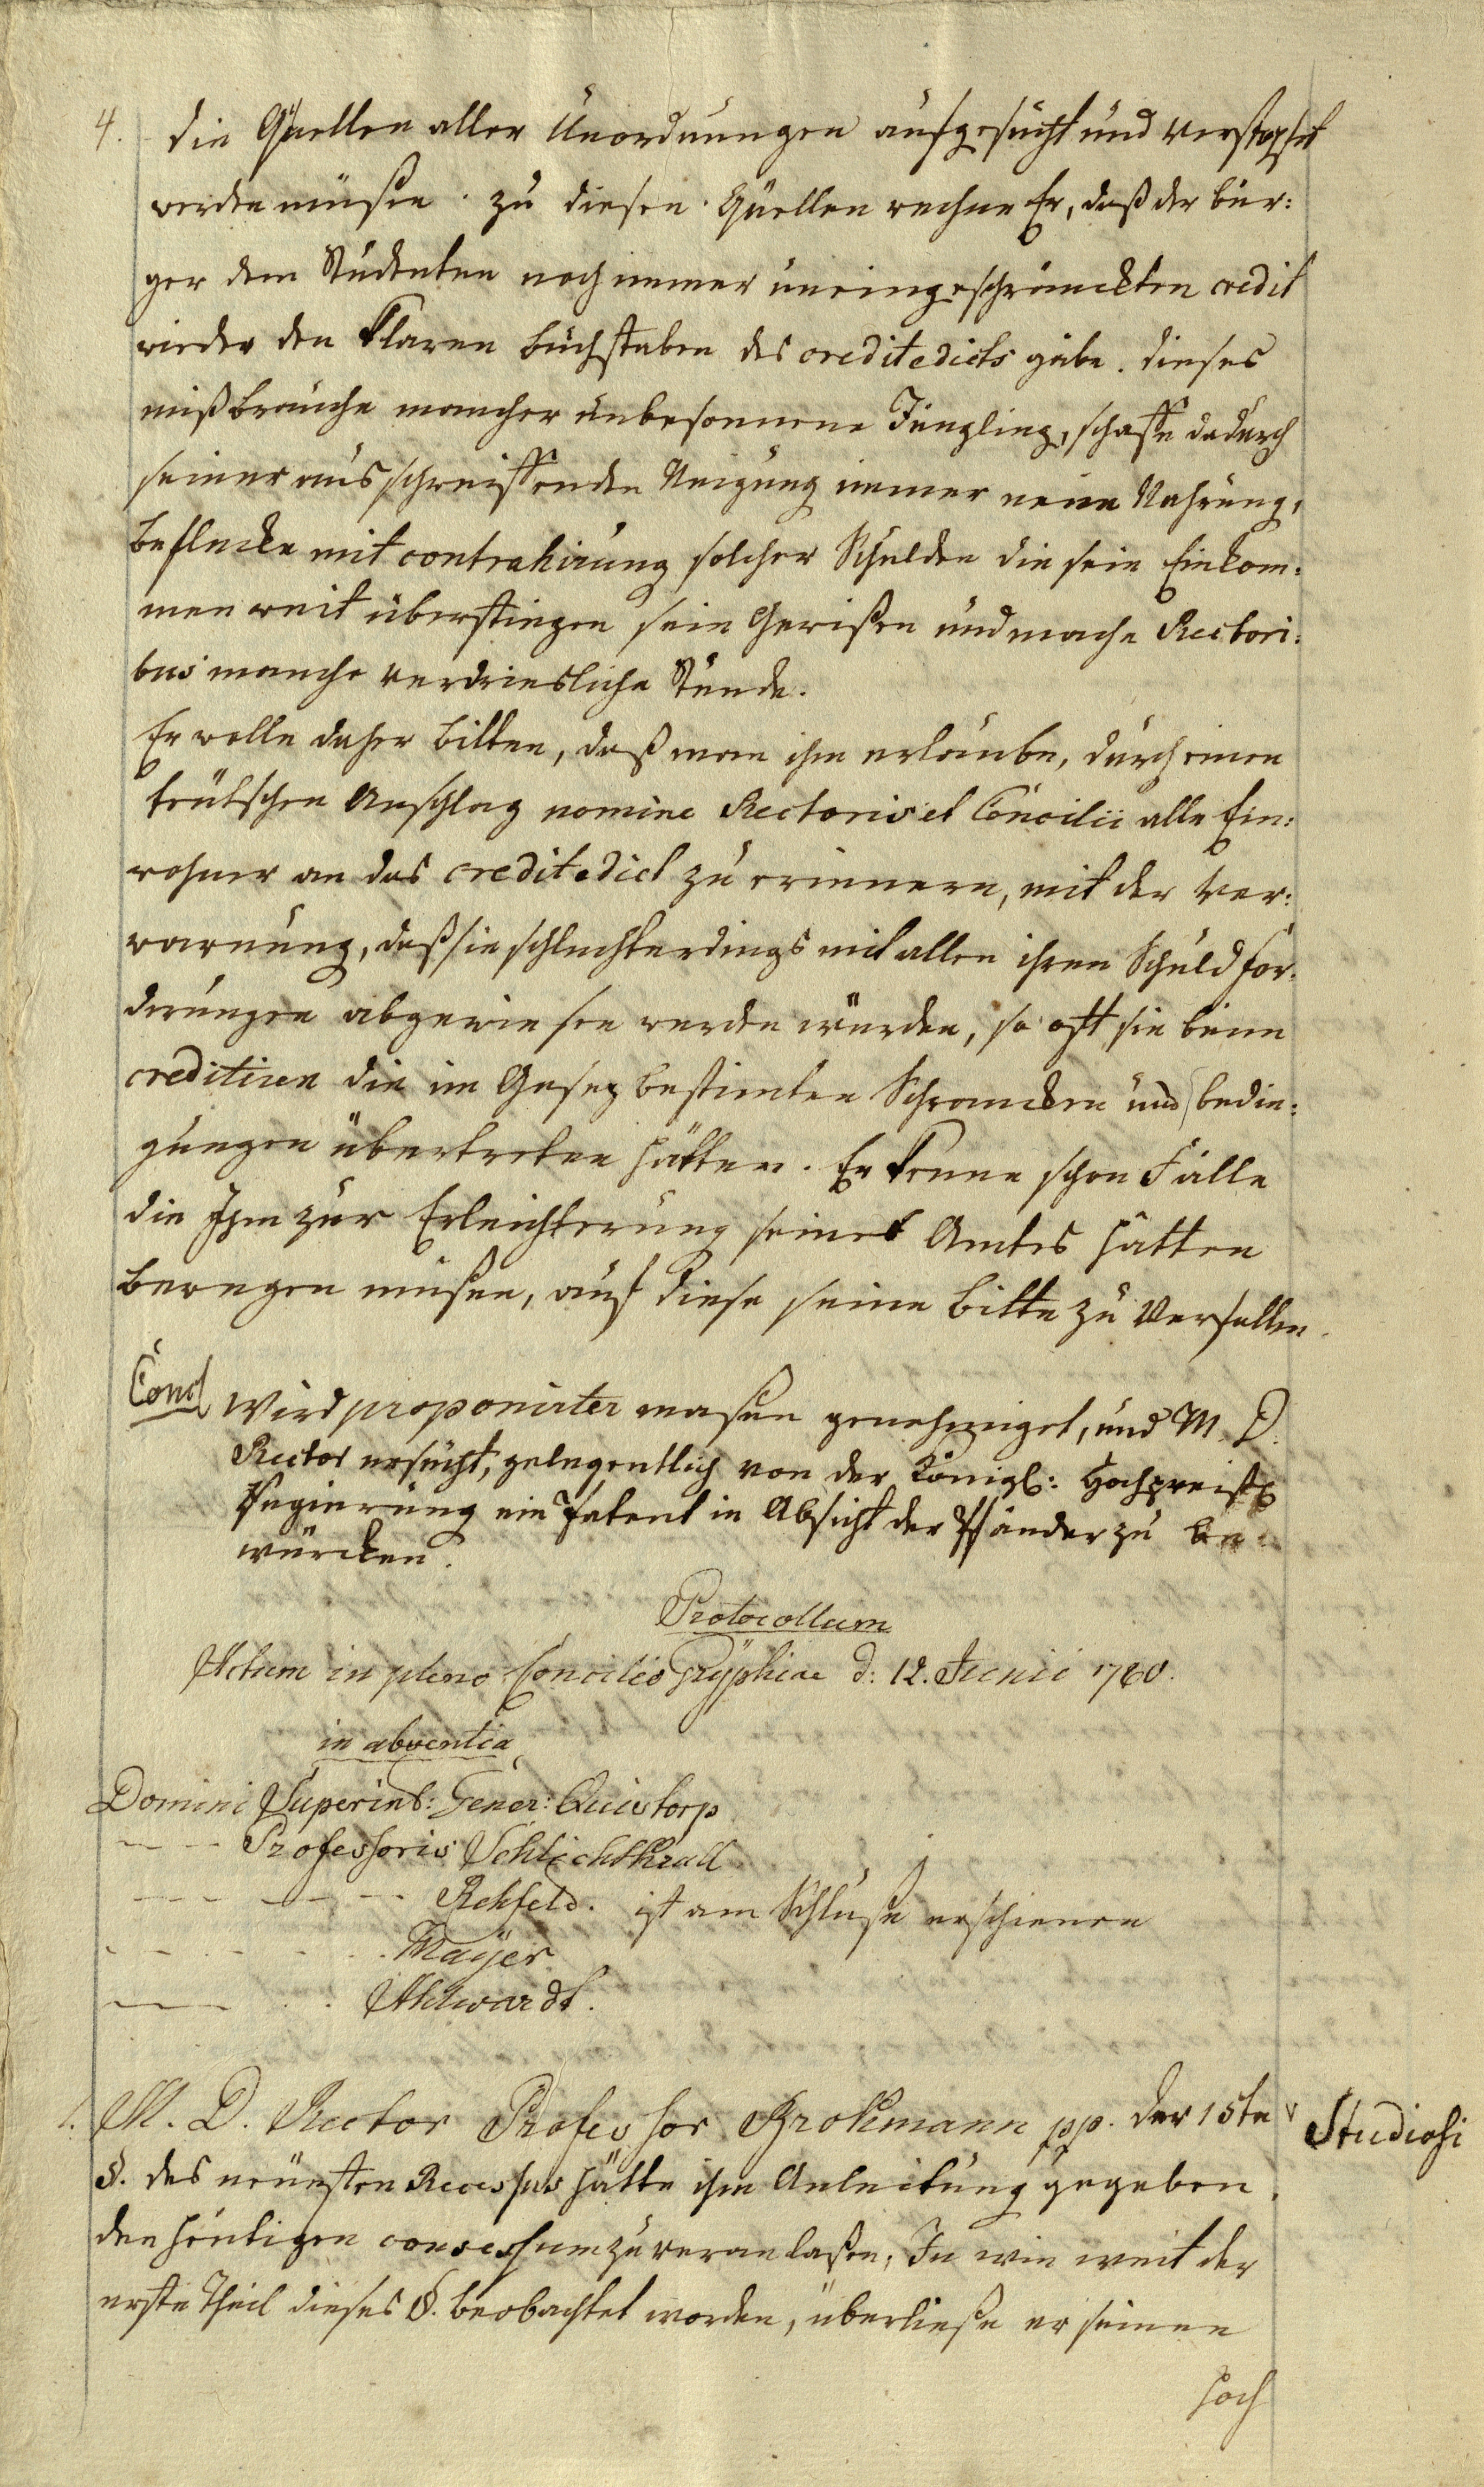4. die Quellen aller Unordnungen aufgesucht und verstopfet
werden müßen. zu diesen Quellen rechne Er, daß der bür¬
ger dem Studenten noch immer uneingeschränckten credit
wieder den klaren Buchstaben des creditedicts gäbe. dieses
mißbrauche mancher unbesonnene Jüngling, schaffe dadurch
seiner ausschweiffenden Neigung immer neue Nahrung,
beflecke mit contrahirung solcher Schulden die sein Einkom¬
men weit überstiegen sein Gewißen und mache Rectori¬
bus manche verdriesliche Stunde.
Er wolle daher bitten, daß man ihm erlaube, durch einen
teutschen Anschlag nomine Rectoris et Concilii alle Ein¬
wohner an das creditedict zu erinnern, mit der Ver¬
warnung, daß sie schlechterdings mit allen ihren Schuldfor¬
derungen abgewiesen werden würden, so oft sie beim
creditiren die im Gesez bestimten Schrancken und bedin¬
gungen übertreten hätten. Er kenne schon Fälle
die Ihm zur Erleichterung seines Amtes hätten
bewegen müßen, auf diese seine Bitte zu verfallen.
Concl Wird proponirter maßen genehmiget, und M.D.
Rector ersucht, gelegentlich von der Königl: Hochpreißl.
Regierung ein Patent in Absicht der Pfänder zu be¬
würcken.
Protocollum
Actum in pleno Concilio Grÿphicae d.12. Junii 1780
in absentia
Domini Superint: Gener: Quistorp
Professoris Schlichtkrull
Rehfeld ist am Schluße erschienen
Maÿer
Ahlwardt.
1. M.D. Rector Professor Brokmann pp. der 1 ste Studiosi
§ des neuesten Recesses hatte ihm Anleitung gegeben,
den heutigen consessum zu veranlaßen. In wie weit der
erste Theil dieses § beobachtet worden, überließe er seinen
hoch